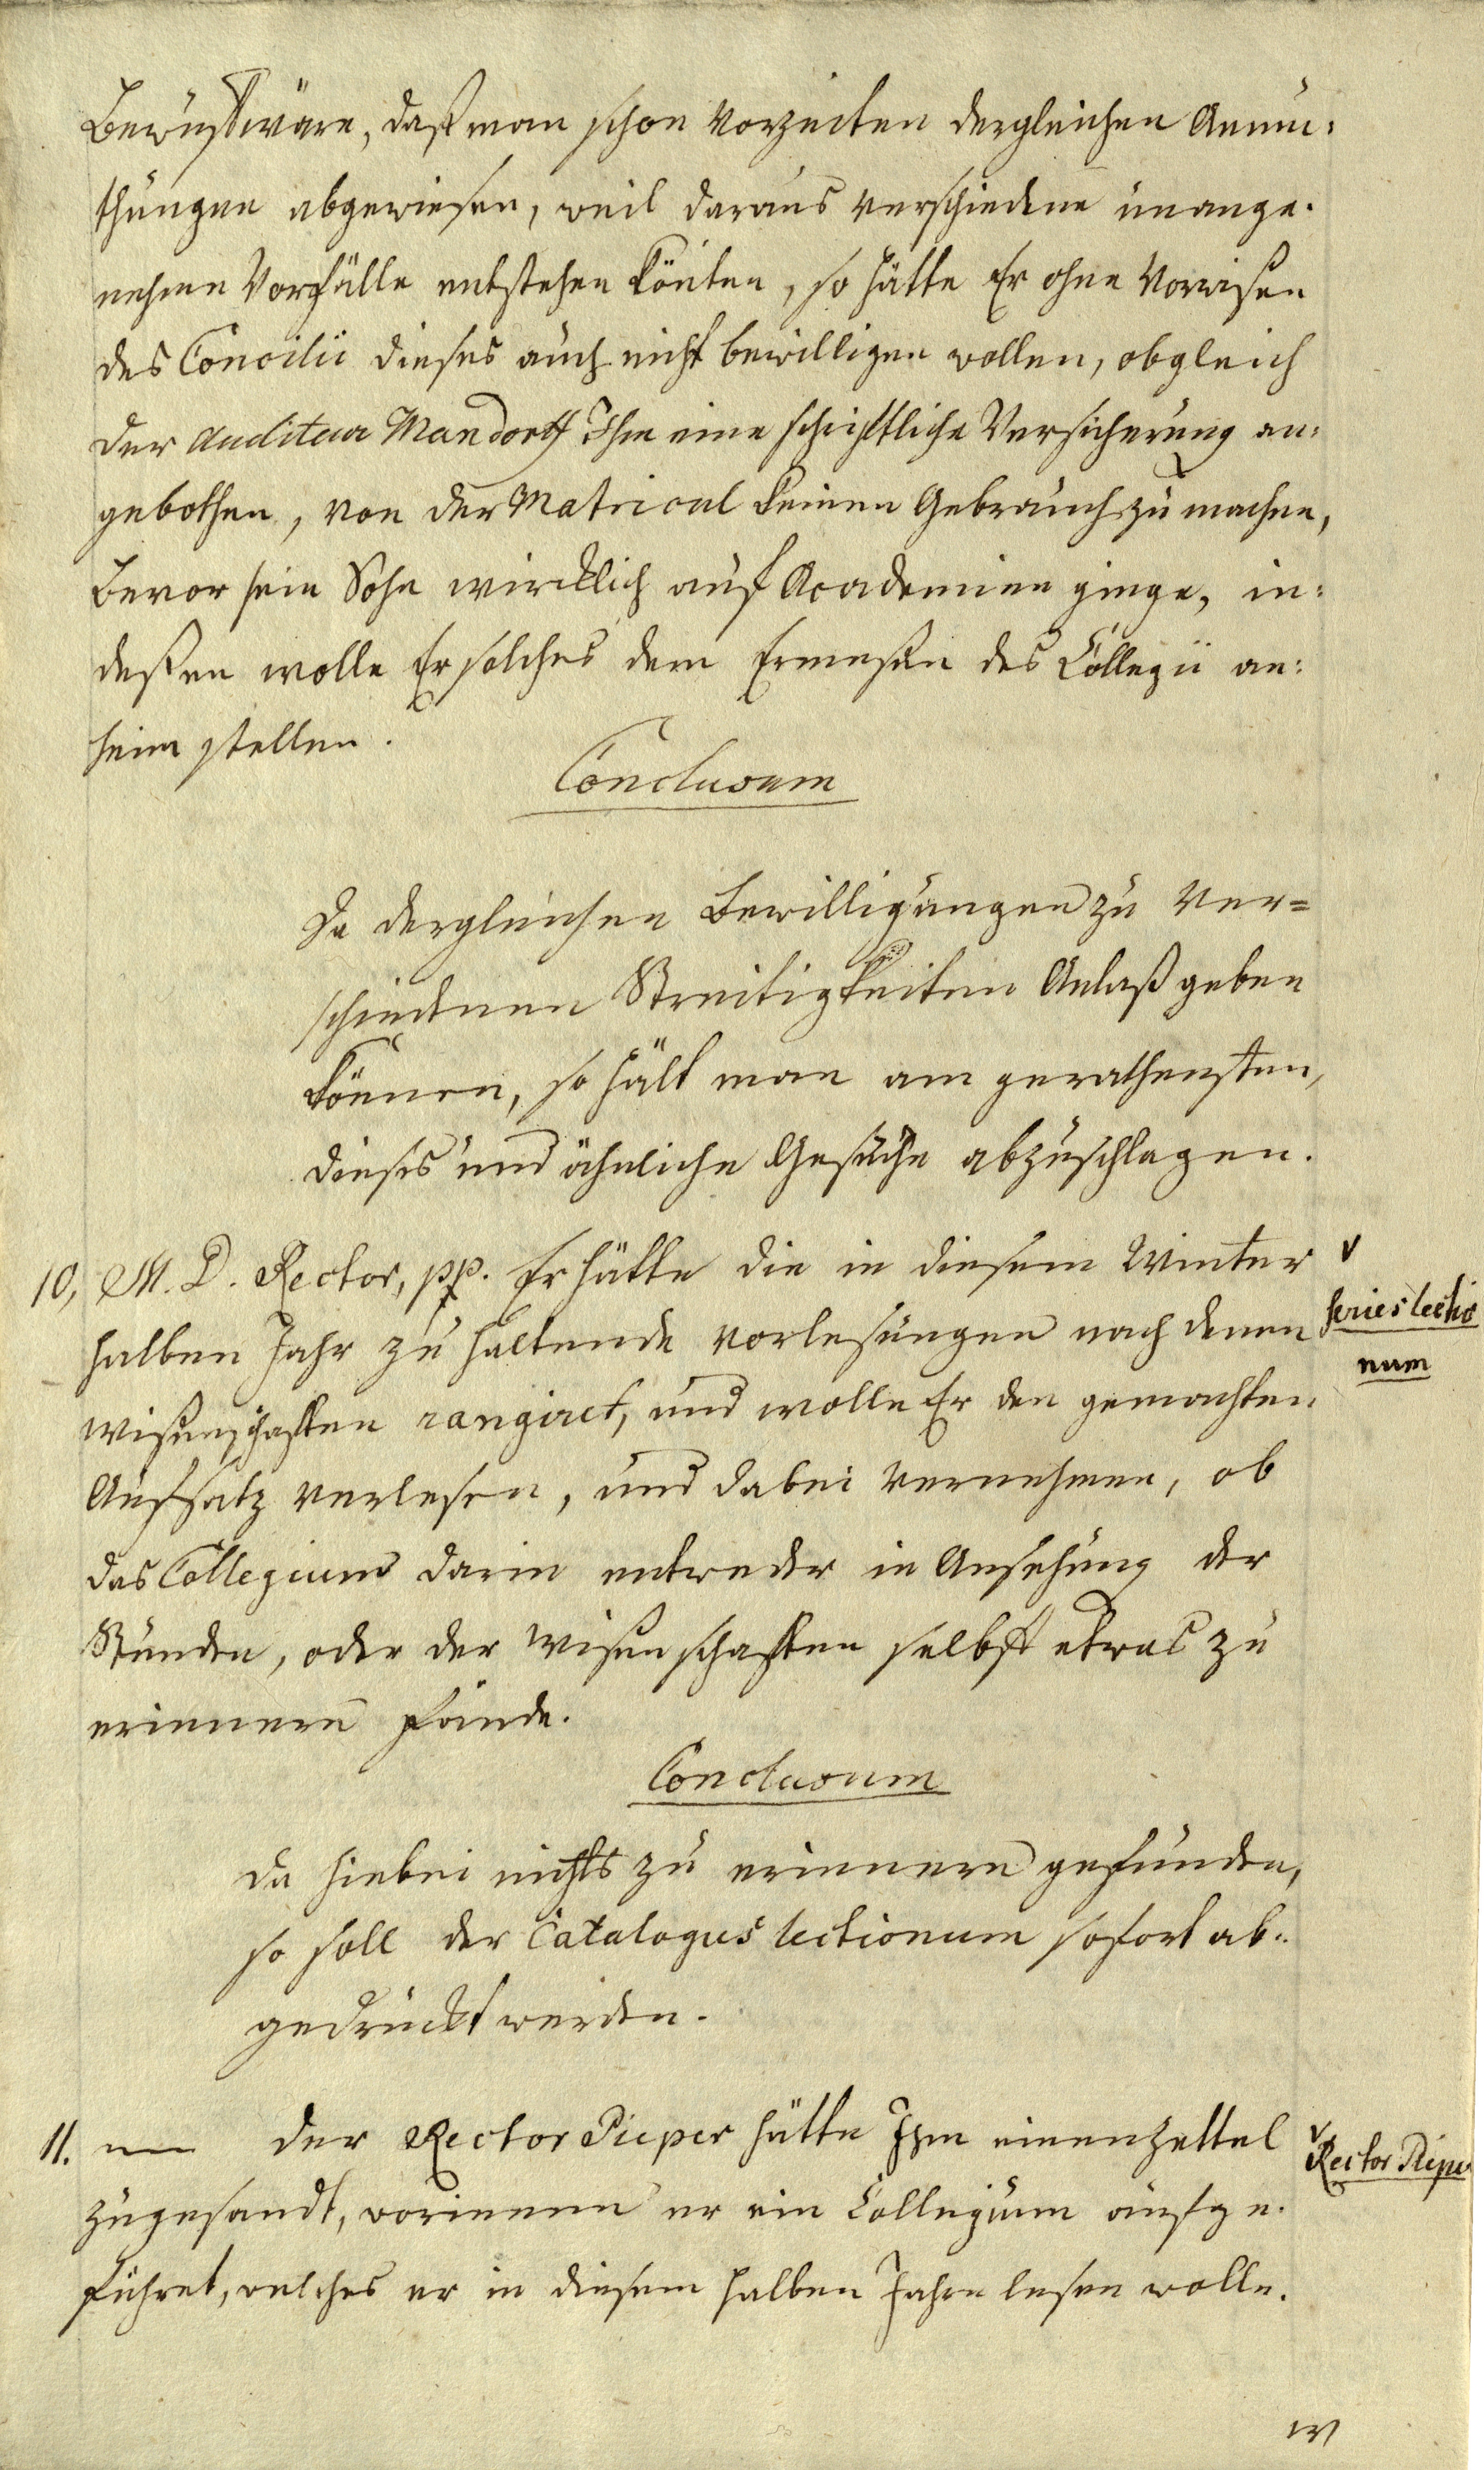Bewußt wäre, daß man schon vorzeiten dergleichen Anmu¬
thungen abgewiesen, weil daraus verschiedene unange¬
nehme Vorfälle entstehen könten, so hätte Er ohne Vorwißen
des Concilii dieses auch nicht bewilligen wollen, obgleich
der Auditeur Mandorff Ihm eine schriftliche Versicherung an¬
gebothen, von der Matricul keinen Gebrauch zu machen,
bevor sein Sohn wircklich auf Academien ginge, in¬
deßen wolle Er solches dem Ermeßen des Collegii an¬
heim stellen.
Conclusum
da dergleichen Bewilligungen zu ver¬
schiedenen Streitigkeiten Anlaß geben
können, so hält man am gerathensten,
dieses und ähnliche Gesuche abzuschlagen.
10, M. D. Rector, pp. Er hätte die in diesem Winter
halben jahr zu haltende vorlesungen nach denen series lectio
wißenschaften rangiret, und wolle Er den gemachten num
Aufsatz verlesen, und dabei vernehmen, ob
das Collegium darin entweder in Ansehung der
Stunden, oder der Wißenschaften selbst etwas zu
erinnern fände.
Conclusum
da hiebei nichts zu erinnern gefunden,
so soll der Catalogus lectionum sofort ab¬
gedruckt werden.
11, der Rector Pieper hätte Ihm einen Zettel
zugesandt, worinnen er ein Collegium aufge- Rector Pieper
führet, welches er in diesem halben Jahre lesen wolle.
er